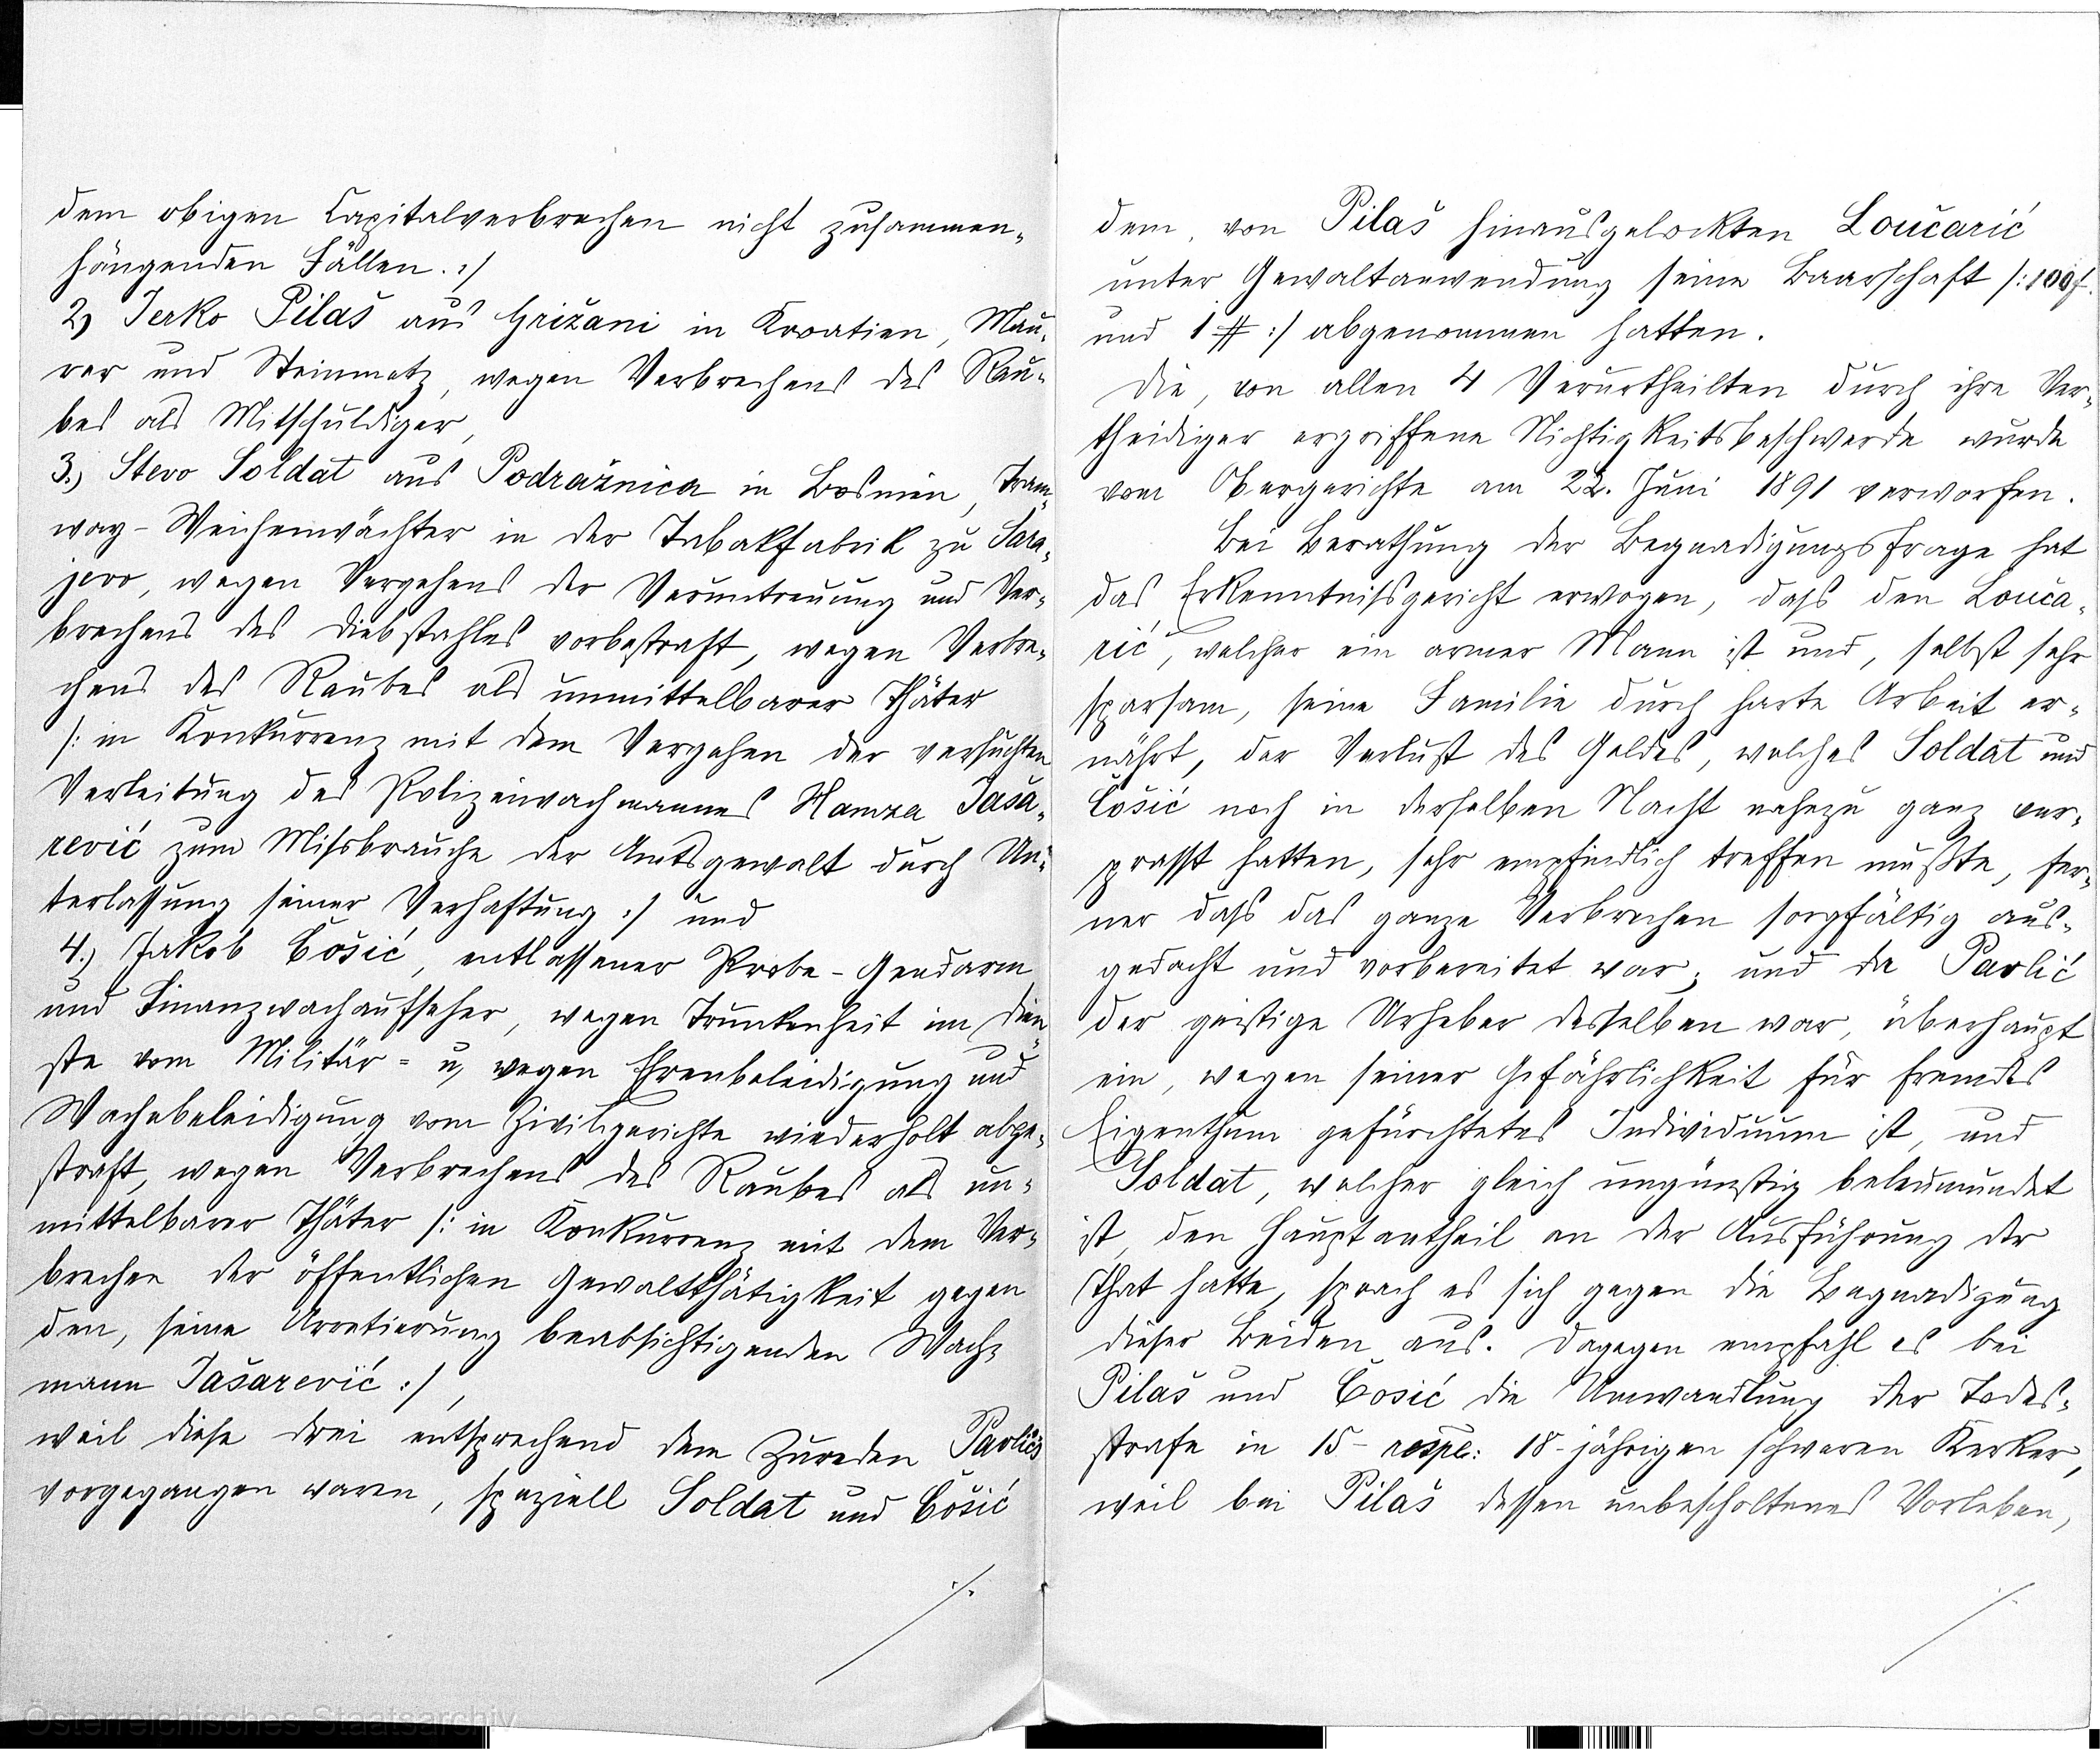dem obigen Capitalverbrechen nicht zusammen¬
hängenden Fällen)
2) Jerko Pilaš aus Grižani in Kroatien, Mau¬
rer und Steinmetz wegen Verbrechens des Rau¬
bes als Mitschuldiger,
3) Stevo Soldat aus Podrażnica in Bosnien, Tram¬
way-Weichenwächter in der Tabakfabrik zu Sara¬
jevo, wegen Vergehens der Veruntreuung und Ver¬
brechens des Diebstahles vorbestraft, wegen Verbre¬
chens des Raubes als unmittelbarer Thäter
(in Konkurrenz mit dem Vergehen der versuchten
Verleitung des Polizeiwachmannes Hamza Jaša¬
rević zum Mißbrauche der Amtsgewalt durch Un¬
terlassung seiner Verhaftung) und
4) Jakob Čošić, entlassener Probe-Gendarm
und Finanzwachaufseher, wegen Trunkenheit im Dien¬
ste vom Militär- u. wegen Ehrenbeleidigung und
Wachebeleidigung vom Zivilgerichte wiederholt abge¬
straft, wegen Verbrechens des Raubes als un¬
mittelbarer Thäter (im Konkurrenz mit dem Ver¬
brechen der öffentlichen gewaltthätigkeit gegen
den, seine Arretierung beabsichtigenden Wach¬
mann Jašarević),
weil diese drei entsprechen dem Zureden Pavlićs
vorgegangen waren, speziell Soldat und Čošić
dem, von Pilaš hinausgelockten Loučarić
unter Gewaltanwendung seine Baarschaft (100f
und 1#) abgenommen hatten.
Die, von allen 4 Verurtheilten durch ihre Ver¬
theidiger ergriffene Nichtigkeitsbeschwerde wurde
vom Obergerichte am 22. Juni 1891 verworfen.
Bei Berathung der Begnadigungsfrage hat
das Erkenntnißgericht erwogen, daß den Louča¬
rić, welcher ein armer Mann ist und, selbst sehr
sparsam, seine Familie durch harte Arbeit er¬
nährt, der Verlust des Geldes, welches Soldat und
Čošić noch in derselben Nacht nahezu ganz ver¬
prasst hatten, sehr empfindlich treffen mußte, fer¬
ner daß das ganze Verbrechen sorgfältig aus¬
gedacht und vorbereitet war, und da Pavlić
der geistige Urheber desselben war, überhaupt
ein, wegen seiner Gefährlichkeit für fremdes
Eigenthum gefürchtetes Individuum ist, und
Soldat, welcher gleich ungünstig beleumundet
ist, den Hauptantheil an der Ausfürhung er
That hatte, sprach es sich gegen die Begnadigung
dieser Beiden aus. Dagegen empfahl es bei
Pilaš und Čošić die Unwandlung der Todes¬
strafe in 15-respe. 18-jährigen schweren Kerker,
weil bei Pilaš dessen unbescholtenes Vorleben,